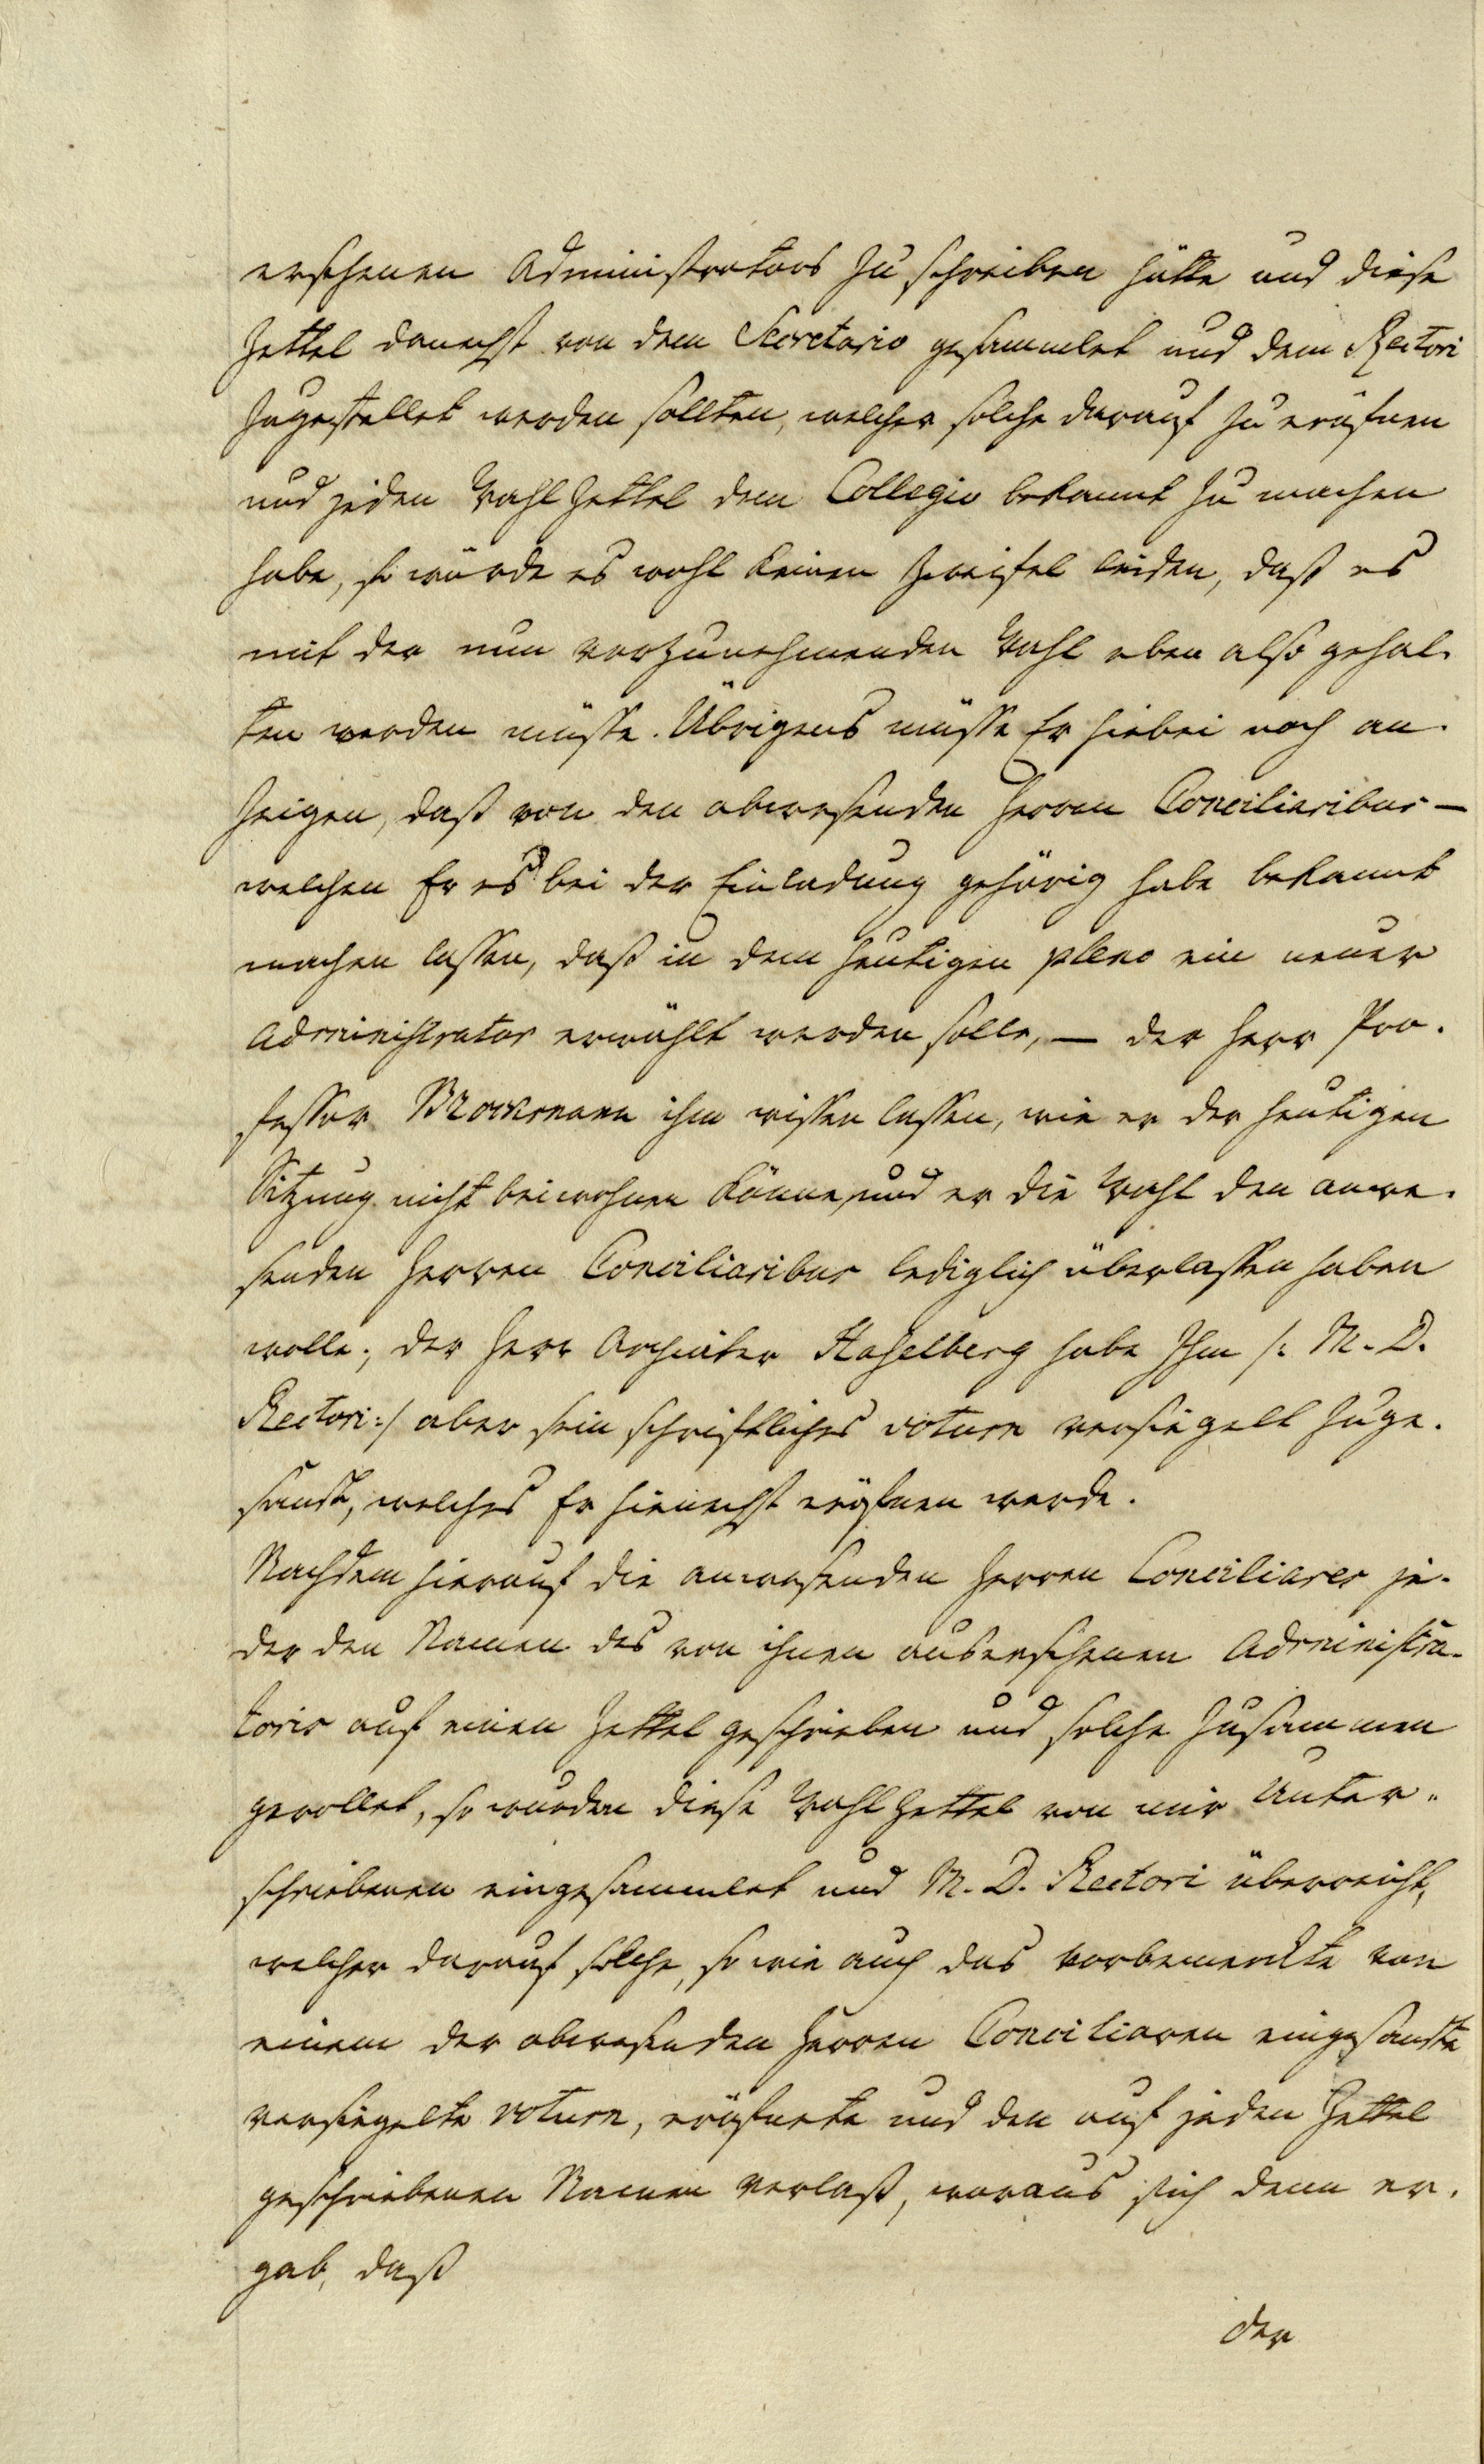ersehenen Administrators zu schreiben hätte und diese
Zettel danechst von dem Secretario gesammlet und dem Rectori
zugestellet werden sollten, welcher solche darauf zu eröfnen
und jeden Wahl Zettel dem Collegio bekannt zu machen
habe, so würde es wohl keinen Zweifel leiden, daß es
mit der nun vorzunehmenden Wahl eben also gehal¬
ten werden müsse. Übrigens müsse Er hiebei noch an¬
zeigen, daß von den abwesenden Herren Conciliaribus
welchen Er es bei der Einladung gehörig habe bekannt
machen lassen, daß in dem heutigen pleno ein neuer
Administrator erwählt werden solle, der Herr Pro¬
tessor Brockmann ihm wissen lassen, wie er der heutigen
Sitzung nicht bei wohnen könne und er die Wahl den anwe¬
senden Herren Conciliaribus lediglich überlassen haben
wolle; der Herr Archiater Haselberg habe Ihm /: M. D.
Rectori :/ aber sein schriftliches votum versiegelt zuge¬
sandt, welches Er hienechst eröfnen werde.
Nachdem hierauf die anmmrsenden Herren Conciliares je¬
der den Namen des von ihnen ausersehenen Administra¬
toris auf einen Zettel geschrieben und solche zusammen
gerollet, so wurden diese Wahl Zettel von mir Unter¬
schriebenen eingesammlet und M. D. Rectori überreicht,
welcher darauf solche, so wie auch das vorbemerckte von
einem der abwesenden Herren Conciliaren eingesandte
versiegelte votum, eröfnete und den auf jeden Zettel
geschriebenen Namen verlas, woraus sich denn er¬
gab, daß
der